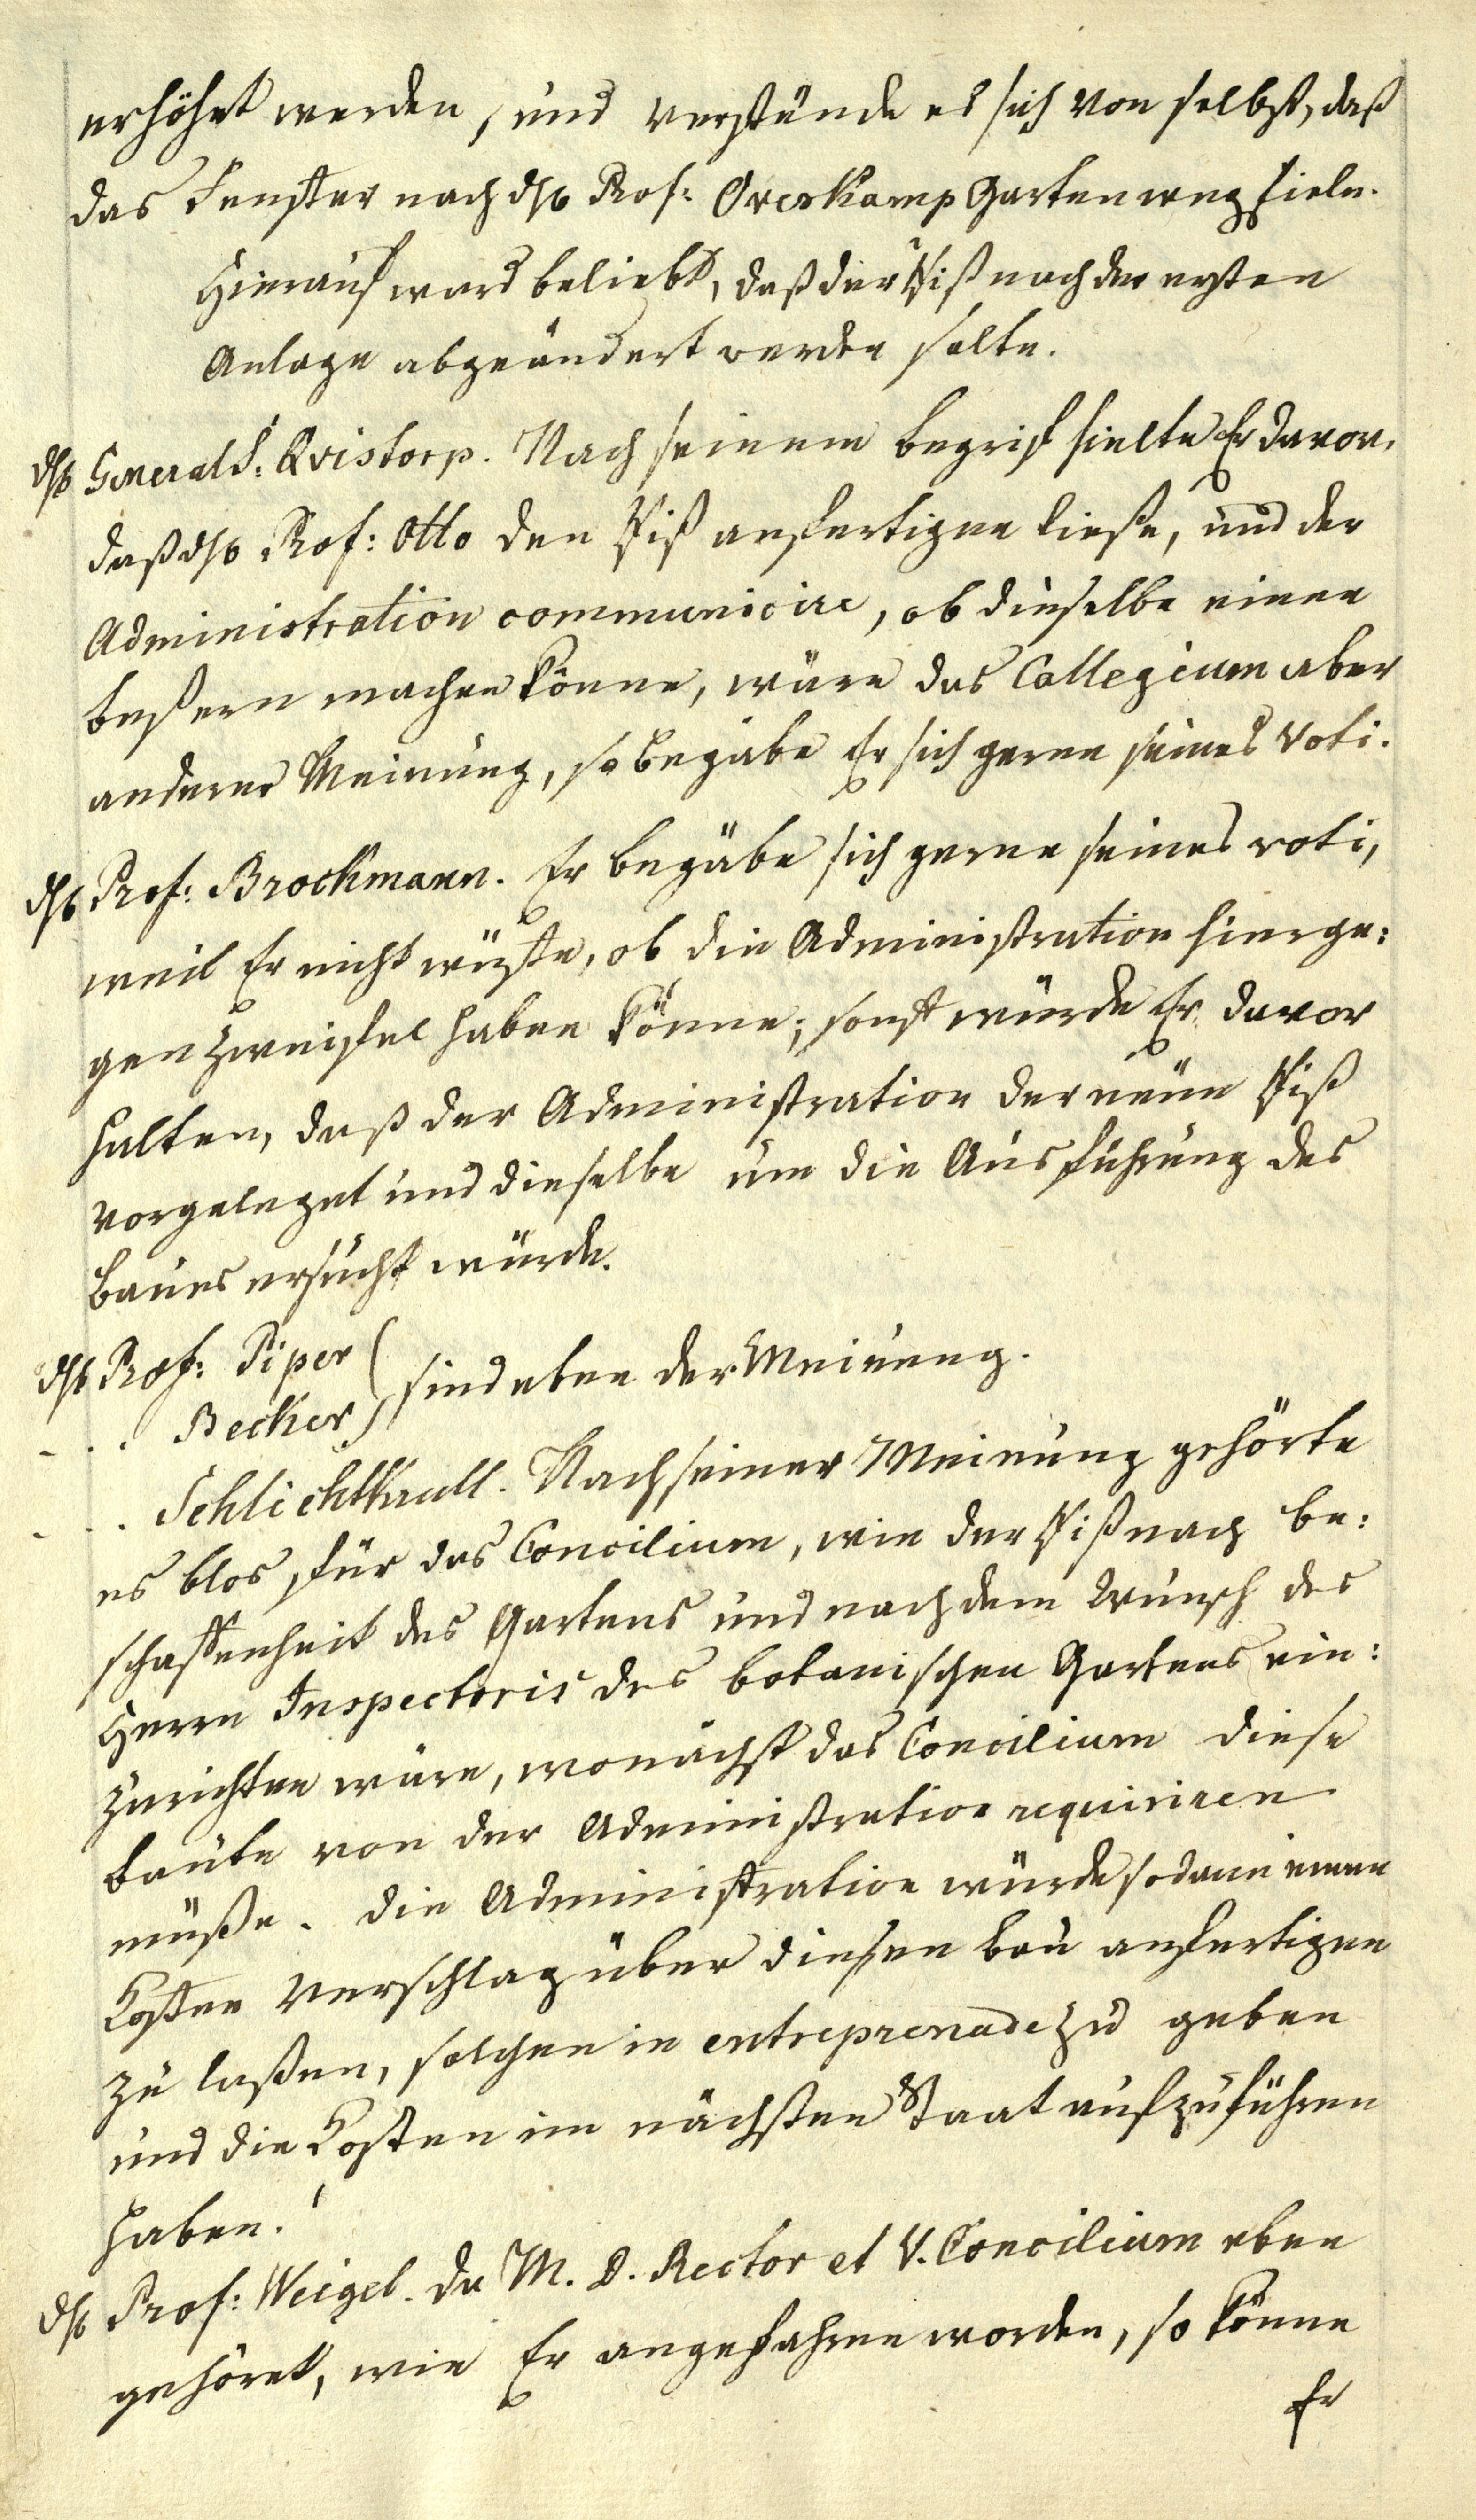erhöhet werden, und verstünde es sich von selbst, daß
das Fenster nach dh Prof. Overkamp Garten wegfiele.
Hierauf ward beliebt, daß der Riß nach der ersten
Anlage abgeändert werden solte.
dh GeneralS. Quistorp Nach seinem Begrif hielte Er davor,
daß dh Prof. Otto den Riß anfertigen ließe, und der
Administration communicire, ob dieselbe einen
beßern machen könne, wäre das Collegium aber
anderer Meinung, so begäbe Er sich gerne seines Voti.
dh Prof. Brockmann. Er begäbe sich gerne seines voti,
weil Er nicht wüste, ob die Administration hierge¬
gen Zweifel haben könne, sonst würde Er davor
halten, daß der Administration der neue Riß
vorgeleget und dieselbe um die Ausführung des
Baues ersucht würde.
dh Prof. Piper
sind eben der Meinung.
Becker,
Schlichtkrull. Nach seiner Meinung gehörte
es blos für das Concilium, wie der Riß nach Be¬
schaffenheit des Gartens und nach dem Wunsch der
Herrn Inspectoris des Botanischen Gartens ein¬
zurichten wäre, wonächst das Concilium diese
Baute von der Administration requiriren
müße. Die Administration würde sodann einen
Kosten Verschlag über diesen Bau anfertigen
zu laßen, solchen in entreprenade zu geben
und die Kosten im nächsten Staat aufzuführen
haben.
dh Prof. Weigel. Da M. D. Rector et V. Concilium eben
gehöret, wie Er angefahren worden, so könne
Er